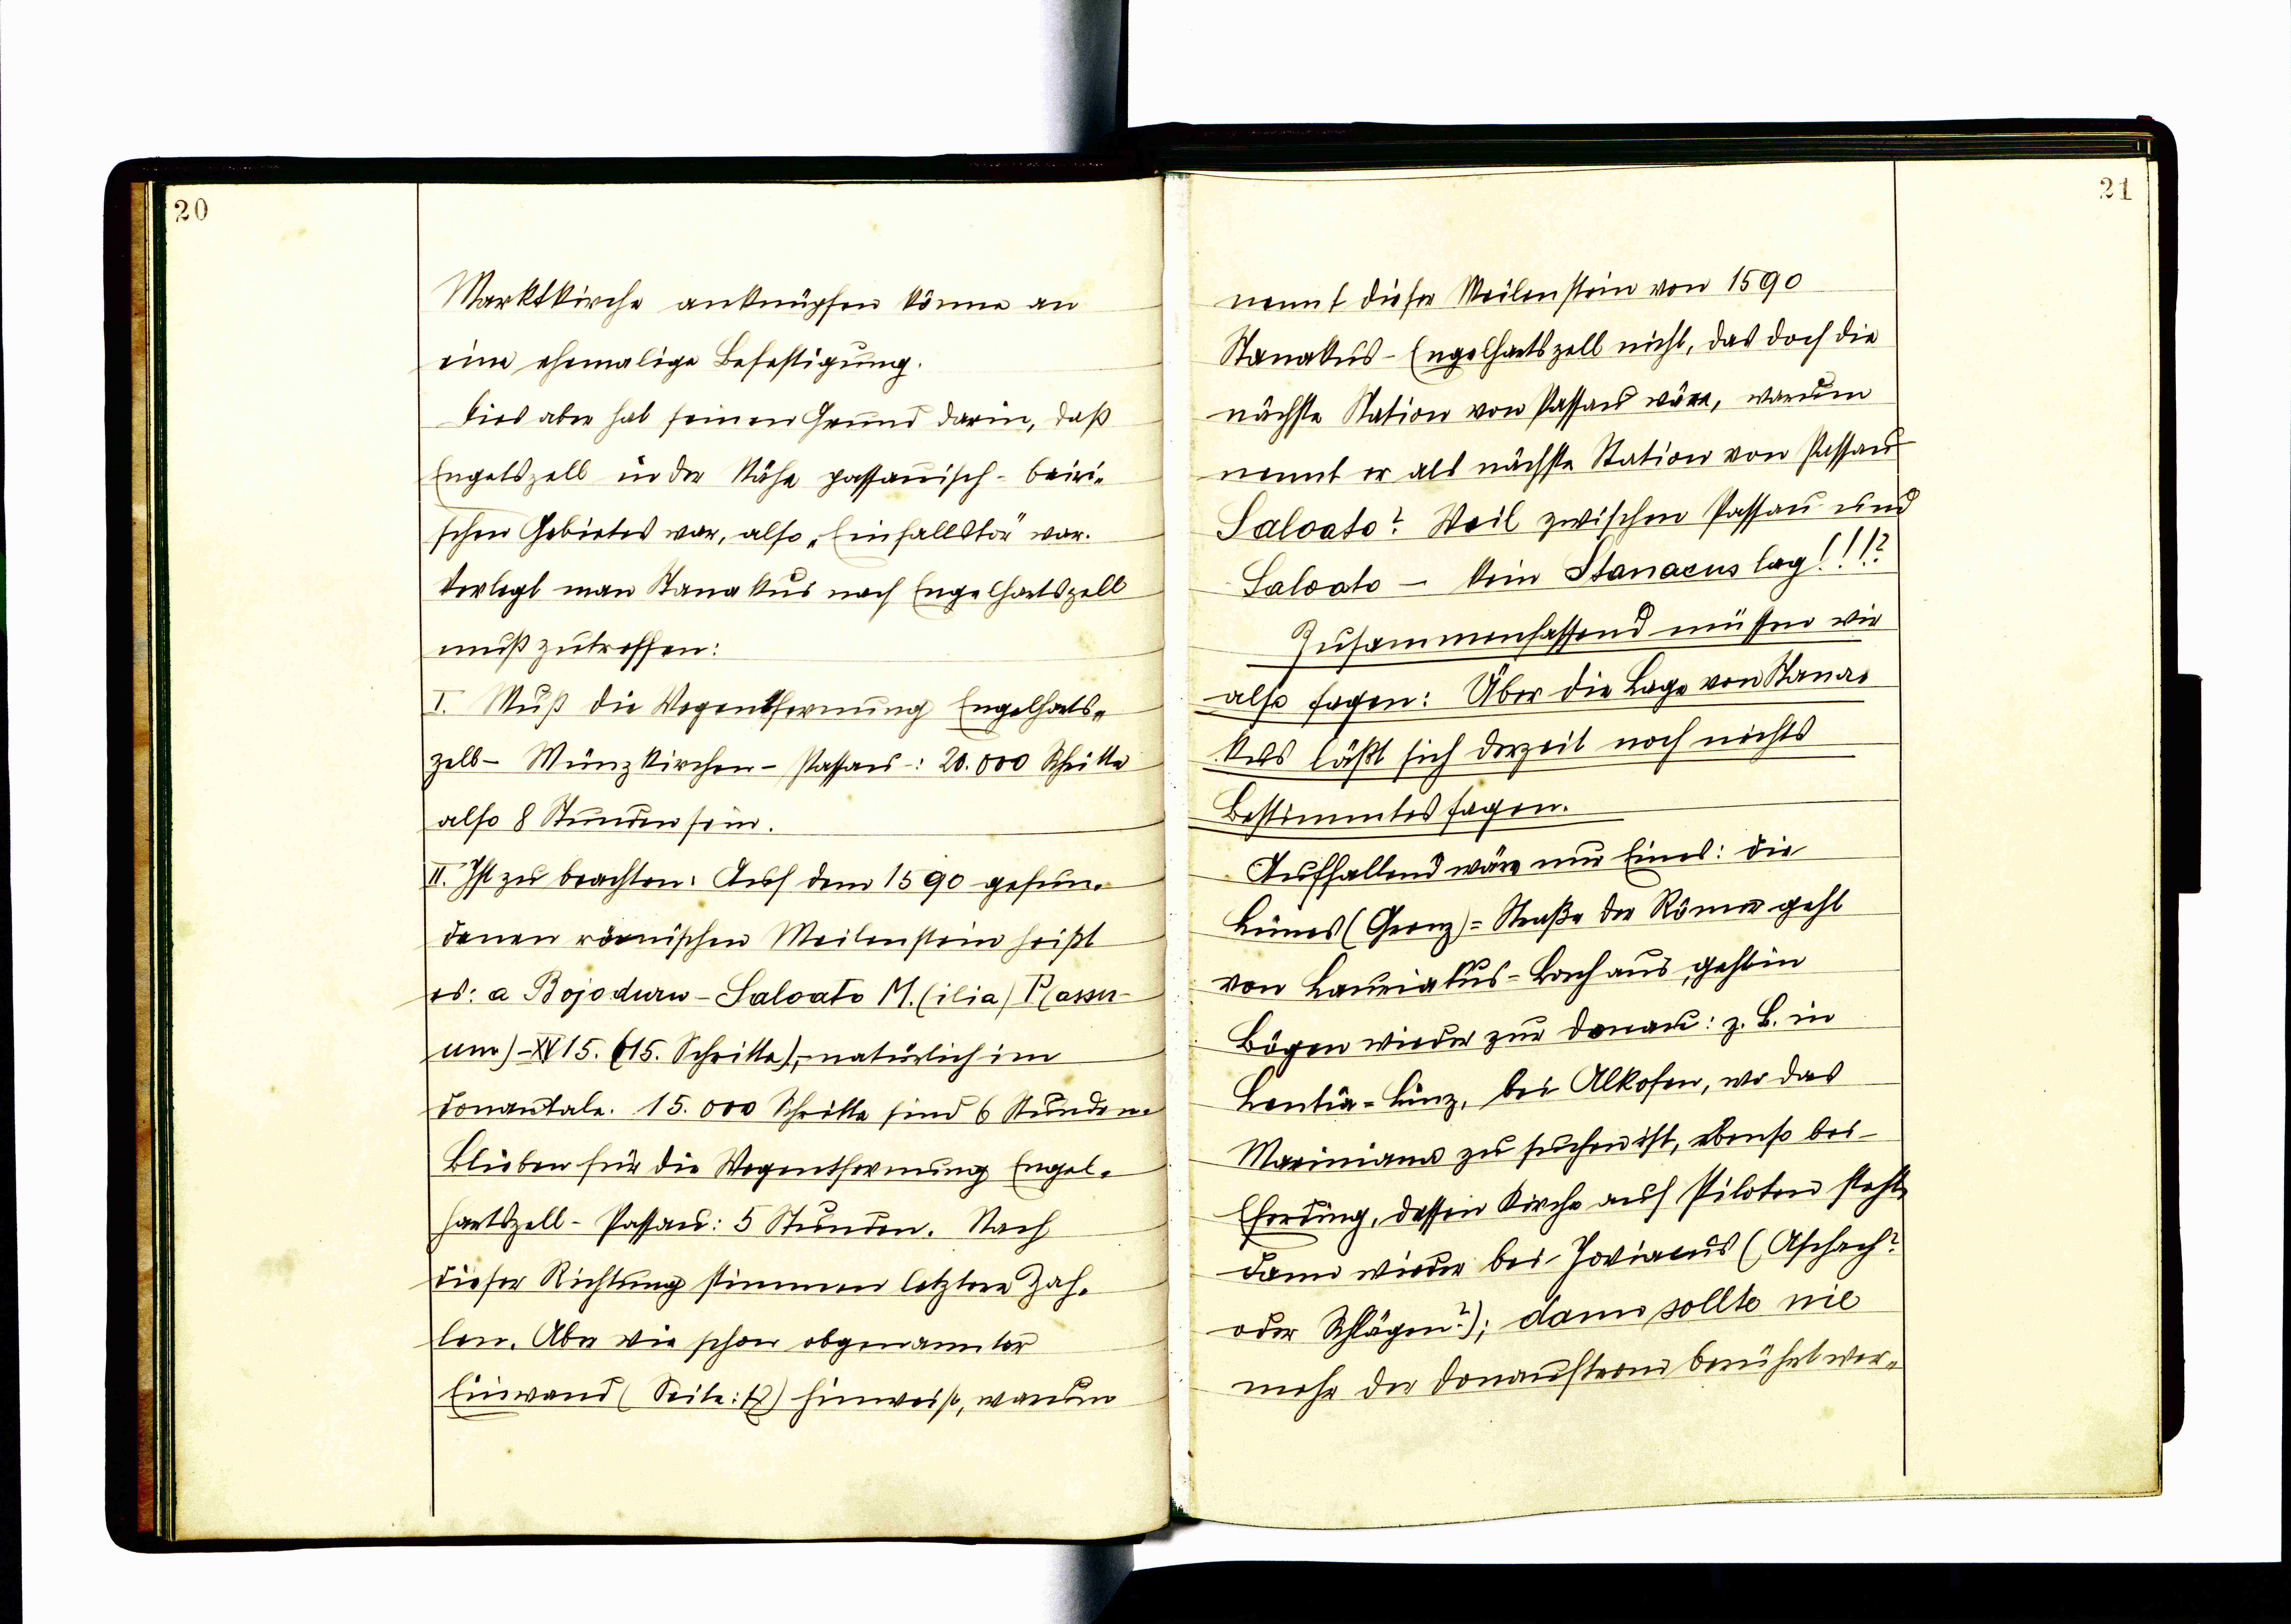Marktkirche anknüpfen könne an
eine ehemallige Befestigung.
Dies aber hat seinen Grund darin, daß
Engelszell in der Nähe passauisch-bairi-
schen Gebietes war, also „Einfallstor“ war.
Verlegt man Stanakus nach Engelhartszell
muß zutreffen:
I. Muß die Wegentfernung Engelharts-
zell-Münzkirchen-Passau: 20.000 Schritte
also 8 Stunden sein.
II. Ist zu beachten: Auf dem 1590 gefun-
denen römischen Meilenstein heißt
es: a Bojodun-Saloato M.(ilia) P(assu-
um) – XV 15. (15 Schritte), - natürlich im
Donautale. 15.000 Schritte sind 6 Stunden.
Bleiben für die Wegentfernung Engel-
hartszell-Passau: 5 Stunden. Nach
dieser Richtung stimmen letztere Zah-
len. Aber wie schon obgenannter
Einwand (Seite 17) hinweise, warum
nennt dieser Meilenstein von 1590
Stanakus-Engelhartszell nicht, das doch die
nächste Station von Passau wäre, warum
nennt er als nächste Station von Passau-
Saloato? Weil zwischen Passau und
Saloato – kein Stanacus lag!!!?
Zusammenfassend müssen wir
also sagen: Über die Lage von Stana-
kus läßt sich derzeit noch nichts
Bestimmtes sagen.
Auffallend wäre nur Eines: die
Limes(Grenz)-Straße der Römer geht
von Lauriakus-Lorch aus, geht in
Bögen wieder zur Donau: z.B. in
Lentia-Linz, bei Alkoven, wo das
Mariniana zu suchen ist, ebenso bei
Eferding, dessen Kirche auf Piloten steht,
dann wieder bei Ioviacus (Aschach?
oder Schlägen?); dann sollte nie
mehr der Donaustrom berührt wer-